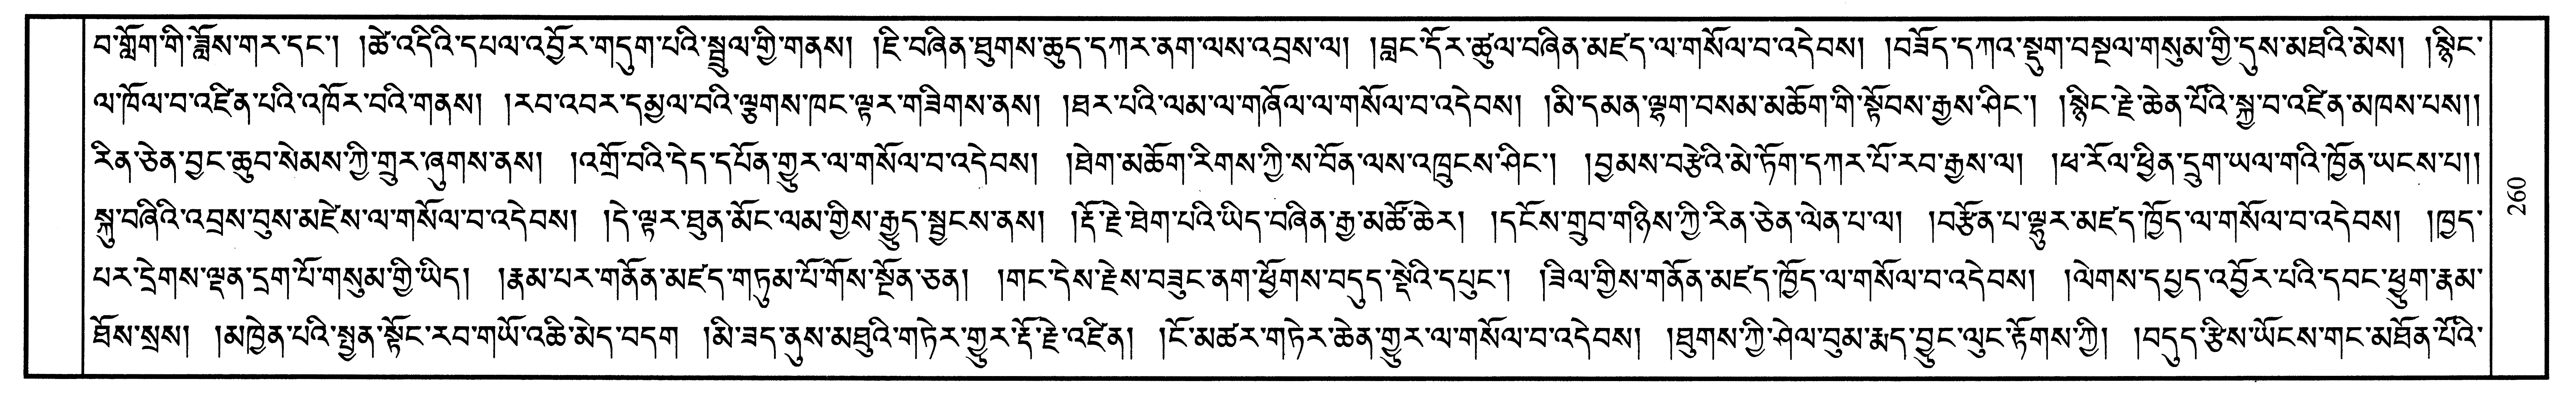བ་གློག་གི་ཟློས་གར་དང་། །ཚེ་འདིའི་དཔལ་འབྱོར་གདུག་པའི་སྦྲུལ་གྱི་གནས། །ཇི་བཞིན་ཐུགས་ཆུད་དཀར་ནག་ལས་འབྲས་ལ། །བླང་དོར་ཚུལ་བཞིན་མཛད་ལ་གསོལ་བ་འདེབས། །བཟོད་དཀའ་སྡུག་བསྔལ་གསུམ་གྱི་དུས་མཐའི་མེས། །སྙིང་
ལ་ཁོལ་བ་འཛིན་པའི་འཁོར་བའི་གནས། །རབ་འབར་དམྱལ་བའི་ལྕགས་ཁང་ལྟར་གཟིགས་ནས། །ཐར་པའི་ལམ་ལ་གཞོལ་ལ་གསོལ་བ་འདེབས། །མི་དམན་ལྷག་བསམ་མཆོག་གི་སྟོབས་རྒྱས་ཤིང་། །སྙིང་རྗེ་ཆེན་པོའི་སྐྱ་བ་འཛིན་མཁས་པས།།
རིན་ཅེན་བྱང་ཆུབ་སེམས་ཀྱི་གྲུར་ཞུགས་ནས། །འགྲོ་བའི་དེད་དཔོན་གྱུར་ལ་གསོལ་བ་འདེབས། །ཐེག་མཆོག་རིགས་ཀྱི་ས་བོན་ལས་འཁྲུངས་ཤིང་། །བྱམས་བརྩེའི་མེ་ཏོག་དཀར་པོ་རབ་རྒྱས་ལ། །ཕ་རོལ་ཕྱིན་དྲུག་ཡལ་གའི་ཁྱོན་ཡངས་པ།།
སྐུ་བཞིའི་འབྲས་བུས་མཛེས་ལ་གསོལ་བ་འདེབས། །དེ་ལྟར་ཐུན་མོང་ལམ་གྱིས་རྒྱུད་སྦྱངས་ནས། །རྡོ་རྗེ་ཐེག་པའི་ཡིད་བཞིན་རྒྱ་མཚོ་ཆེར། །དངོས་གྲུབ་གཉིས་ཀྱི་རིན་ཅེན་ལེན་པ་ལ། །བརྩོན་པ་ལྷུར་མཛད་ཁྱོད་ལ་གསོལ་བ་འདེབས། །ཁྱད་
པར་དྲེགས་ལྡན་དྲག་པོ་གསུམ་གྱི་ཡིད། །རྣམ་པར་གནོན་མཛད་གཏུམ་པོ་གོས་སྔོན་ཅན། །གང་དེས་རྗེས་བཟུང་ནག་ཕྱོགས་བདུད་སྡེའི་དཔུང་། །ཟིལ་གྱིས་གནོན་མཛད་ཁྱོད་ལ་གསོལ་བ་འདེབས། །ལེགས་དཔྱད་འབྱོར་པའི་དབང་ཕྱུག་རྣམ་
ཐོས་སྲས། །མཁྱེན་པའི་སྤྱན་སྟོང་རབ་གཡོ་འཆི་མེད་བདག །མི་ཟད་ནུས་མཐུའི་གཏེར་གྱུར་རྡོ་རྗེ་འཛིན། །ངོ་མཚར་གཏེར་ཆེན་གྱུར་ལ་གསོལ་བ་འདེབས། །ཐུགས་ཀྱི་ཤེལ་བུམ་རྨད་བྱུང་ལུང་རྟོགས་ཀྱི། །བདུད་རྩིས་ཡོངས་གང་མཐོན་པོའི་